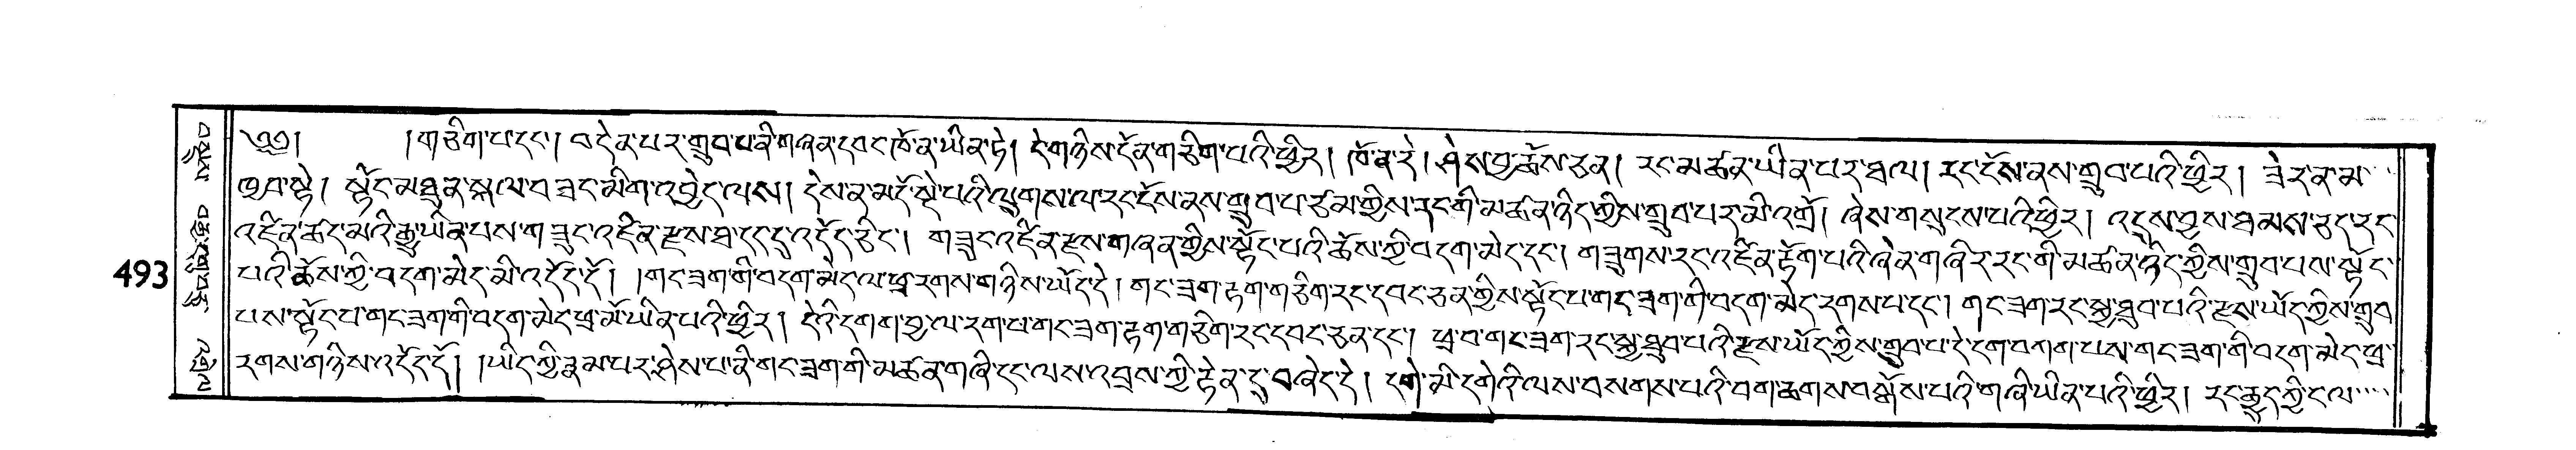༄༅། །གཅིག་པ་དང་། བདེན་པར་གྲུབ་པ་ནི་གཞན་དབང་ཁོ་ན་ཡིན་ཏེ། དེ་གཉིས་དོན་གཅིག་པའི་ཕྱིར། ཁོ་ན་རེ། ཤེས་བྱ་ཆོས་ཅན། རང་མཚན་ཡིན་པར་ཐལ། རང་ངོས་ནས་གྲུབ་པའི་ཕྱིར། ཟེར་ན་མ་
ཁྱབ་སྟེ། སྟོང་མཐུན་སྐལ་བཟང་མིག་འབྱེད་ལས། དེས་ན་མདོ་སྡེ་པའི་ལུགས་ལ་རང་ངོས་ནས་གྲུབ་པ་ཙམ་གྱིས་རང་གི་མཚན་ཉིད་ཀྱིས་གྲུབ་པར་མི་འགྲོ། ཞེས་གསུངས་པའི་ཕྱིར། འདུས་བྱས་ཐམས་ཅད་རང་
འཛིན་ཚད་མའི་རྒྱུ་ཡིན་པས་གཟུང་འཛིན་རྫས་ཐ་དད་དུ་འདོད་ཅིང་། གཟུང་འཛིན་རྫས་གཞན་གྱིས་སྟོང་པའི་ཆོས་ཀྱི་བདག་མེད་དང་། གཟུགས་རང་འཛིན་རྟོག་པའི་ཞེན་གཞིར་རང་གི་མཚན་ཉིད་ཀྱིས་གྲུབ་པས་སྟོང་
པའི་ཆོས་ཀྱི་བདག་མེད་མི་འདོད་དོ། །གང་ཟག་གི་བདག་མེད་ལ་ཕྲ་རགས་གཉིས་ཡོད་དེ། གང་ཟག་རྟག་གཅིག་རང་དབང་ཅན་གྱིས་སྟོང་པ་གང་ཟག་གི་བདག་མེད་རགས་པ་དང་། གང་ཟག་རང་སྐྱ་ཐུབ་པའི་རྫས་ཡོད་ཀྱིས་གྲུབ་
པས་སྟོང་པ་གང་ཟག་གི་བདག་མེད་ཕྲ་མོ་ཡིན་པའི་ཕྱིར། དེའི་དགག་བྱ་ལ་རག་པ་གང་ཟག་རྟག་གཅིག་རང་དབང་ཅན་དང་། ཕྲ་བ་གང་ཟག་རང་སྐྱ་ཐུབ་པའི་རྫས་ཡོད་ཀྱིས་གྲུབ་པ་དེ་དག་བཀག་པས་གང་ཟག་གི་བདག་མེད་ཕྲ་
རགས་གཉིས་འདོད་དོ། །ཡིད་ཀྱི་རྣམ་པར་ཤེས་པ་ནི་གང་ཟག་གི་མཚན་གཞི་དང་ལས་འབྲས་ཀྱི་རྟེན་དུ་བཞེད་དེ། དགེ་མི་དགེའི་ལས་བསགས་པའི་བག་ཆགས་བསྒོས་པའི་གཞི་ཡིན་པའི་ཕྱིར། རང་རྒྱུད་ཀྱི་ང་ལ་